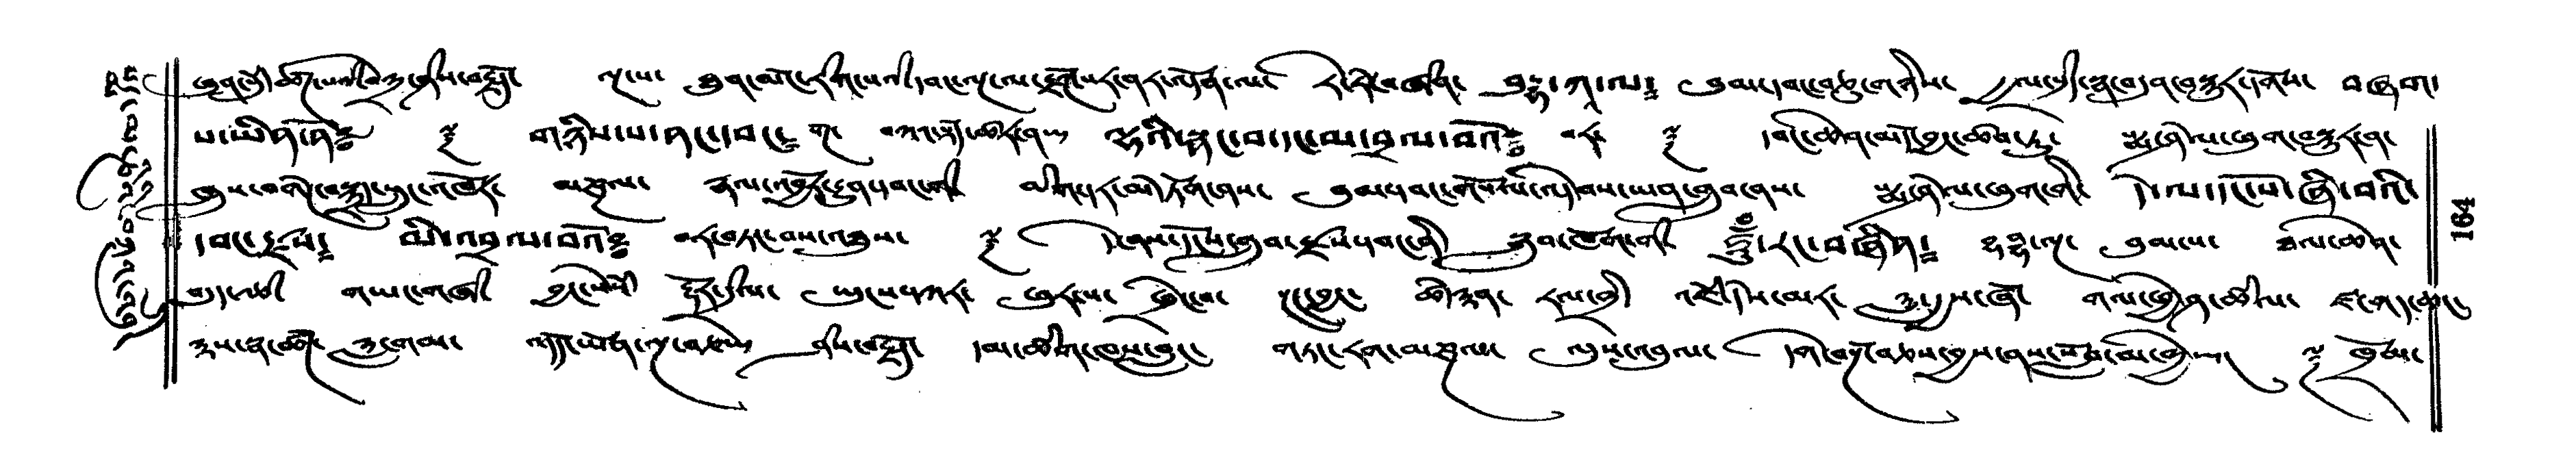ཕུན་སུམ་ཚོགས་པའི་བཀྲ་ཤིས་རྗོད། ལྔ་པ། ཐུན་མོང་རིག་པའི་དབང་ལྔ་ལས་རྫོགས་པར་ནར་འདོན་ལ་རེ་རེ་བཞིན། བུདྡྷ་ཀཱ་ལ༴ བུམ་དབང་བཅུ་གཉིས།རྒྱལ་སྲིད་སྣ་བདུན་བསྐུར་དགོས། བཞག་
པ་ཡིན་ནོ༔ གཉིས་པ་ནང་དབང༴ སོགས། བཀའ་སྡོད་ཚར་ནས། ལྷའི་སྣང་བ་དང་མ་བྲལ་བའོ༔ བར། དབང་ཆེན་མདོ་བྱང་ཚབ་ཏུ། པདྨ་ཤེལ་ཕུག་བསྐུར་ན་
ཁྲུས་བགེགས་བསྐྲད་སྲུང་འཁོར། མཎྜལ། རྣལ་འབྱོར་རྒྱུན་དབང་གི མིག་དར་མེ་ཏོག་ནས་བུམ་དབང་གསོལ་འདེབས་ཡན་གྲུབ་མཚམས། པདྨ་ཤེལ་ཕུག་གི དེ་ལ་དང་པོ་ཞི་བའི་
དབང་རྫས༴ མི་འབྲལ་བའོ༔ བར་བཏང་བས་འཐུས། དེ་ནས་དངོས་གྲུབ་རྫས་དབང་ནི། སྒྲུབ་ཁོག་གི ཧཱུྃ༔ རང་བཞིན༴ བྷནྡྷ་ལྔ། བུམ་པ། ཐལ་ཆེན་
བདུད་རྩི། གཡང་གཞི། བྱང་སེམས། རྡོར་དྲིལ། ཡུངས་དཀར། ཕུར་པ། ཕྲེང་བ། སྔགས་བྱང་། ཚེ་ཟན། རལ་གྲི འཇམ་དེས་མར། ཟླ་རྒྱས་ཞོ། གལ་ཕྱེ་ཤ་ཚིལ། ཛ་གད་ཆང་། 
ཟས་སྣ་ཚོགས། ཟླ་གམ། འདོད་ཡོན་ལྔ་བཅས། ཤིས་བརྗོད། དམ་ཚིག་ཁས་བླང་། གཏང་རག་མཎྜལ། ལུས་འབུལ། དགེ་བསྔོ་བཅས་བྱས་ནས་སློབ་མ་གྱེས། ཁྲོམ་